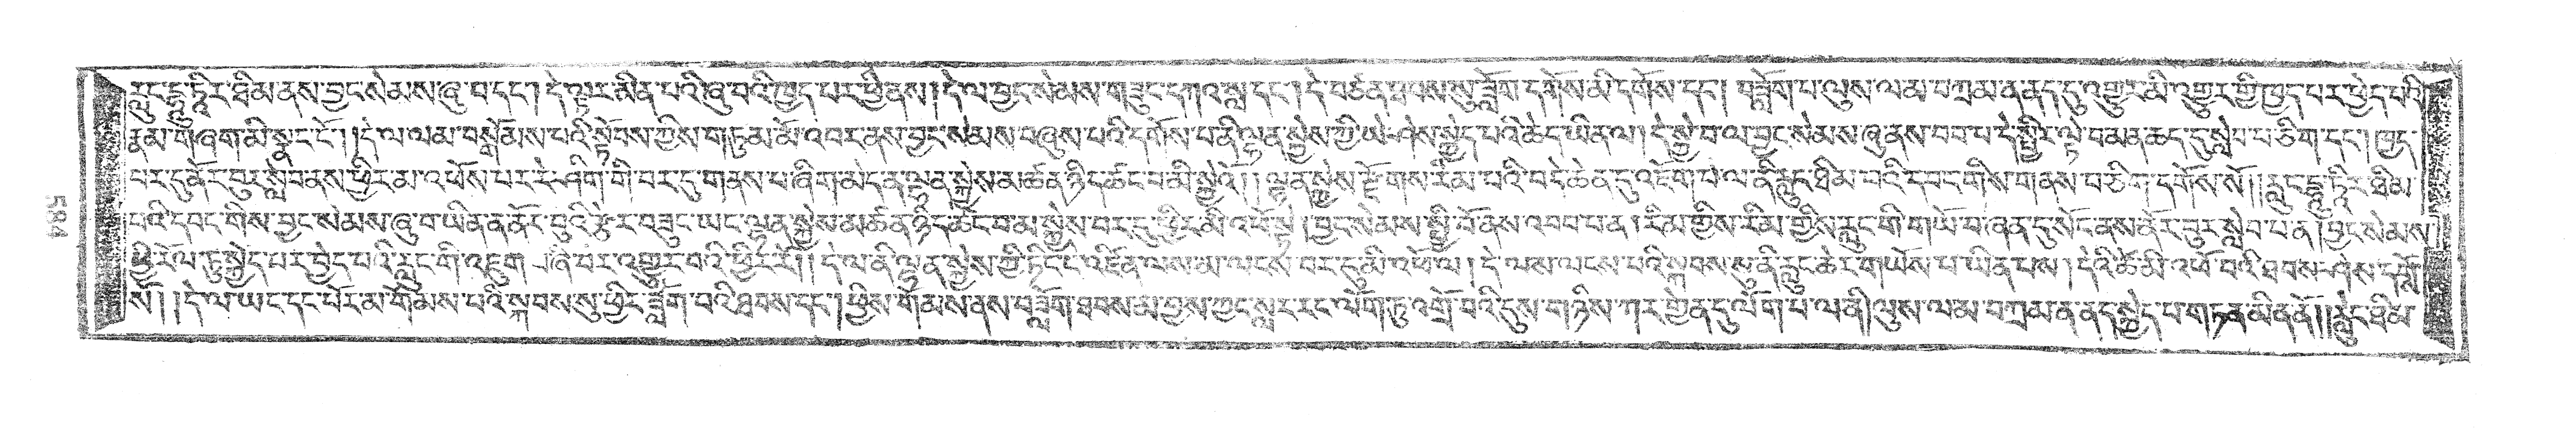རླུང་དྷཱུ་ཏཱིར་ཐིམ་ནས་བྱང་སེམས་ཞུ་བ་དང་། དེ་ལྟར་མིན་པའི་ཞུ་བའི་ཁྱད་པར་ཕྱེ་ནས། དེ་ལ་བྱང་སེམས་གཟུང་དཀའ་སླ་དང་། དེ་བཙན་ཐབས་སུ་ཟློག་དགོས་མི་དགོས་དང་། བཟློག་པ་ལུས་ལ་མ་བཀྲམ་ན་ནད་དུ་འགྱུར་མི་འགྱུར་གྱི་ཁྱད་པར་ཕྱེད་པའི་
རྣམ་གཞག་མི་སྣང་ངོ། །དེ་ལ་ལམ་བསྒོམས་པའི་སྟོབས་ཀྱིས་གཏུམ་མོ་འབར་ནས་བྱང་སེམས་བཞུས་པའི་དགོས་པ་ནི་ལྷན་སྐྱེས་ཀྱི་ཡེ་ཤེས་སྐྱེད་པའི་ཆེད་ཡིན་ལ། དེ་སྐྱེ་བ་ལ་བྱང་སེམས་ཞུ་ནས་བབ་པ་ད་སྤྱིར་ལྟེ་བ་མན་ཆད་དུ་སླེབ་པ་ཅིག་དང་། ཁྱད་
པར་དུ་ནོར་བུར་སློབ་ནས་ཕྱིར་མ་འཕོས་པར་རེ་ཤིག་གི་བར་དུ་གནས་པ་ཞིག་མེད་ན་ལྷན་སྐྱེས་མཚན་ཉིད་ཚང་བ་མི་སྐྱེའོ། །ལྷན་སྐྱེས་རྫོགས་རིམ་པའི་བདེ་ཆེན་དུ་འཇོག་པ་ལ་ནི་རླུང་ཐིམ་པའི་དབང་གིས་གནས་པ་ཅིག་དགོས་སོ། །རླུང་དྷཱུ་ཏཱིར་ཐིམ་
པའི་དབང་གིས་བྱང་སེམས་ཞུ་བ་ཡིན་ན་ནོར་བུའི་རྩེར་བཟུང་ཡང་ལྷན་སྐྱེས་མཚན་ཉིད་ཚང་བ་མ་སྐྱེས་བར་དུ་ཕྱིར་མི་འཕོ་སྟེ། བྱང་སེམས་སྤྱི་བོ་ནས་འབབ་པ་ན། རིམ་གྱིས་རིམ་གྱིས་རླུང་གི་གཡོ་བ་ཞན་དུ་སོང་ནས་ནོར་བུར་སླེབ་པ་ན། བྱང་སེམས་
ཕྱི་རོལ་ཏུ་སྐྱོད་པར་བྱེད་པའི་རླུང་གི་འཇུག་པ་ཞི་བར་འགྱུར་བའི་ཕྱིར་རོ། །དེ་ལ་ནི་ལྷན་སྐྱེས་ཀྱི་ཏིང་ངེ་འཛིན་ལས་མ་ལངས་བར་དུ་མི་འཕོ་ལ། དེ་ལས་ལངས་པའི་སྐབས་སུ་ནི་རླུང་ཆེར་གཡོས་པ་ཡིན་པས། དེའི་ཚེ་མི་འཕོ་བའི་ཐབས་ཤེས་དགོས་
སོ། །དེ་ལ་ཡང་དང་པོར་མ་གོམས་པའི་སྐབས་སུ་ཕྱིར་ཟློག་པའི་ཐབས་དང་། ཕྱིས་གོམས་ནས་བཟློག་ཐབས་མ་བྱས་ཀྱང་སླར་རང་ལོག་ཏུ་འགྲོ་བའི་དུས་གཉིས་ཀར་གྱེན་དུ་ལོག་པ་ལ་ནི། ལུས་ལ་མ་བཀྲམ་ན་ནད་སྐྱེད་པ་གཏན་མིན་ནོ། །རླུང་ཐིམ་